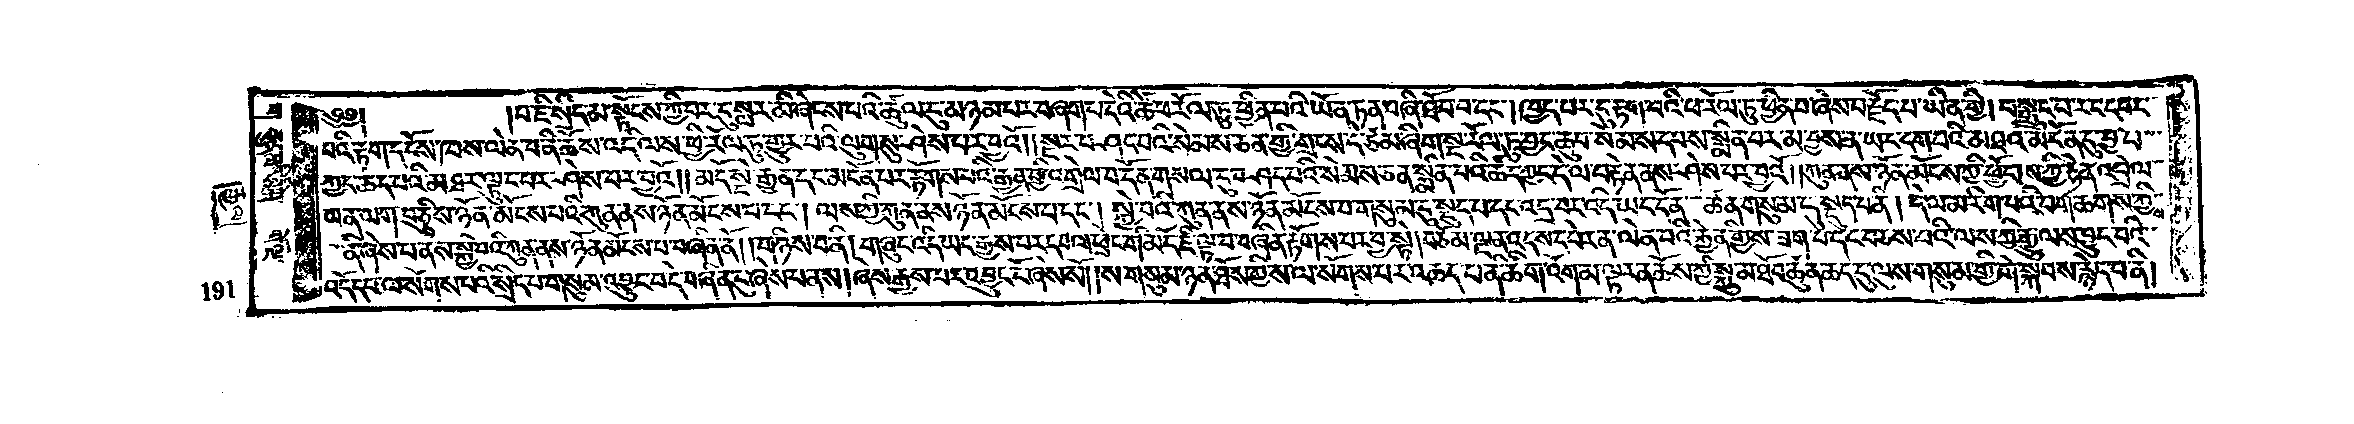༄༅། །བ་ཇི་སྲིད་མ་སྟོངས་ཀྱི་བར་དུ་སླར་མི་ཞེངས་པའི་ཚུལ་དུ་མཉམ་པར་བཞག་པ་དེའི་ཚེ་ཕ་རོལ་ཏུ་ཕྱིན་པའི་ཡོན་ཏན་བཞི་ཐོབ་པ་དང་། ཁྱད་པར་དུ་རྟག་པའི་ཕ་རོལ་ཏུ་ཕྱིན་པ་ཞེས་བརྗོད་པ་ཡིན་གྱི་།བསྒྲུབ་པ་རང་དབང་
བའི་རྟག་དངོས་ཁས་ལེན་པ་ནི་ཆོས་འདི་ལས་ཕྱི་རོལ་ཏུ་གྱུར་པའི་ལུགས་སུ་ཤེས་པར་བྱའོ། །སྔར་བཤད་པའི་སེམས་ཅན་གྱི་གྲངས་དེ་ཙམ་ཞིག་སྔ་རོལ་ཏུ་བྱང་ཆུབ་སེམས་དཔས་སྨིན་པར་མ་བྱས་ན་ཡང་དག་པའི་མཐའ་མངོན་དུ་བྱ་བ་
ཀྱང་ཆད་པའི་མཐར་ལྟུང་བར་ཤེས་པར་བྱའོ། །མདོ་སྡེ་རྒྱན་དང་མངོན་པར་རྟོགས་པའི་རྒྱན་གྱི་འགྲེལ་པ་དོན་གསལ་དུ་བཤད་པའི་སེམས་ཅན་སྨིན་པའི་ཚད་ཀྱང་དེ་ལ་བརྟེན་ནས་ཤེས་པར་བྱའོ། །ཀུན་ནས་ཉོན་མོངས་ཀྱི་ཕྱོགས་ཀྱི་རྟེན་འབྲེལ་
ཡན་ལག་བཅུ་གཉིས་ཉོན་མོངས་པའི་ཀུན་ནས་ཉོན་མོངས་པ་དང་། ལས་ཀྱི་ཀུན་ནས་ཉོན་མོངས་པ་དང་། སྐྱེ་བའི་ཀུན་ནས་ཉོན་མོངས་པ་གསུམ་དུ་སྡུད་པ་དང་འདྲ་བར་འདི་ཡང་དོན་ཚན་གསུམ་དུ་སྡུད་པ་ནི། དེ་ལ་མ་རིག་པའི་བག་ཆགས་ཀྱིས་
ནི་ཞེས་པ་ནས་སྐྱེ་བའི་ཀུན་ནས་ཉོན་མོངས་པ་བཞིན་ནོ། །གཉིས་པ་ནི། གཞུང་འདི་ཡང་རྒྱས་པར་དཔལ་ཕྲེང་གི་མདོ་ཇི་ལྟ་བ་བཞིན་རྟོགས་པར་བྱ་སྟེ། བཅོམ་ལྡན་འདས་དཔེར་ན་ལེན་པའི་རྐྱེན་གྱིས་ཟག་པ་དང་བཅས་པའི་ལས་ཀྱི་རྒྱུ་ལས་བྱུང་བའི་
འདོད་པ་ལ་སོགས་པའི་སྲིད་པ་གསུམ་འབྱུང་བ་དེ་བཞིན་དུ་ཞེས་པ་ནས། ཞེས་རྒྱས་པར་འབྱུང་ངོ་ཞེས་སོ། །ས་གསུམ་ཉན་ཐོས་ཀྱིས་ལ་སོགས་པར་འཆད་པ་ནི་ཚིག་འོག་མ་ལྟར་ན་ཆོས་ཀྱི་སྐུ་མ་ཐོབ་ཚུན་ཆད་དུ་ལུས་གསུམ་གྱི་གོ་སྐབས་རྙེད་པ་ནི།